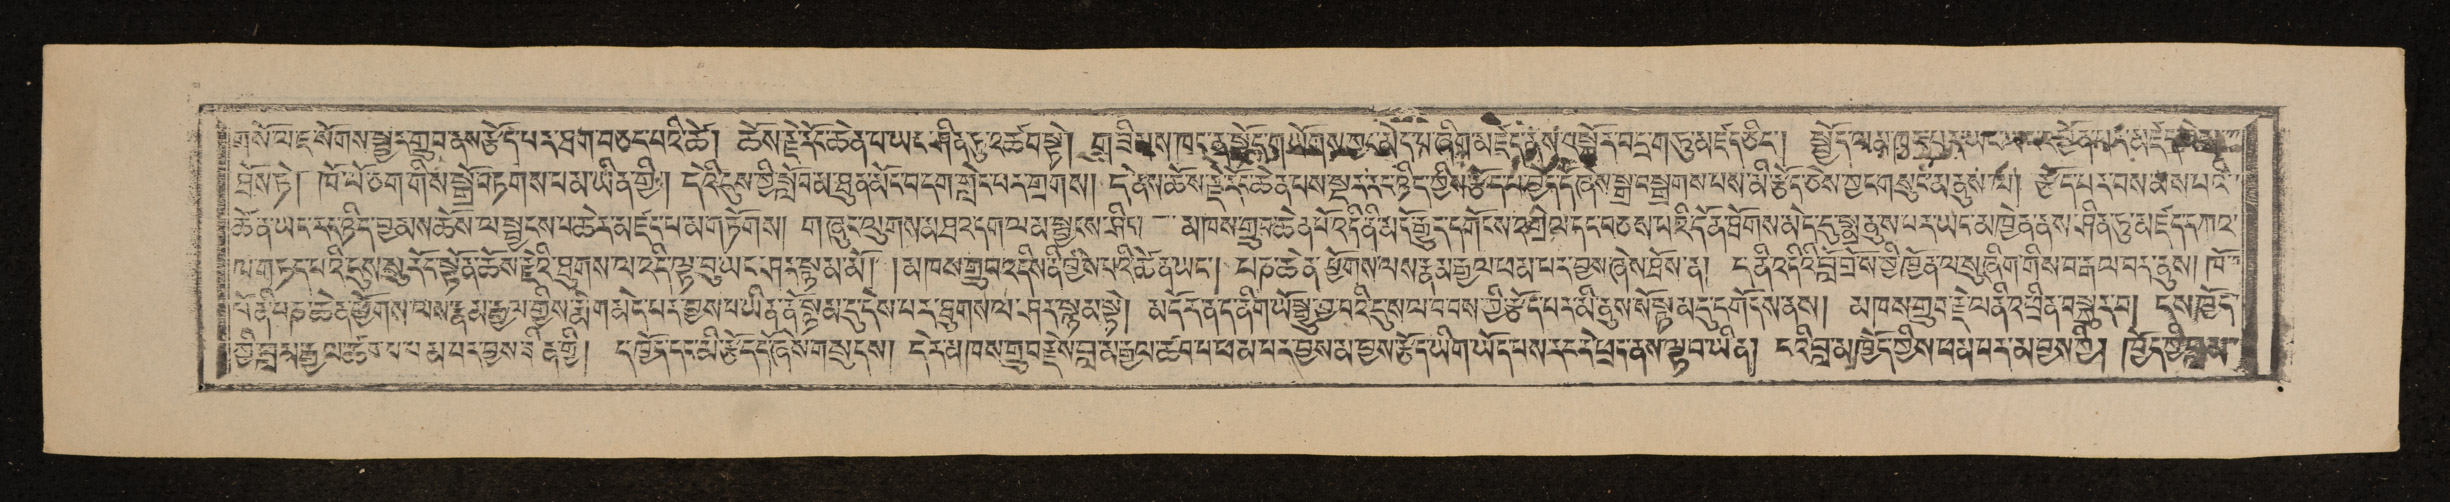གསོལ་བ་སོགས་སྦྱར་གྲུབ་ནས་རྩོད་པར་ཐག་བཅད་པའི་ཚེ། ཆོས་རྗེ་རོང་ཆེན་པ་ཡང་ཤིན་ཏུ་འཚབ་སྟེ། གཟིམས་ཁང་ན་སྟོད་གཡོགས་ཀྱང་མེད་པ་ཞིག་མཛད་ནས་བསྐོར་བ་དྲག་ཏུ་མཛད་ཅིང་། སྤྱོད་ལམ་ཁང་པར་ཡང་ཡང་འབྱོན་པར་མཛད་ཅེས་
ཐོས་ཏེ། ཁོ་བོ་ཅག་གིས་སྒྲོ་བཏགས་པ་མ་ཡིན་གྱི། དེའི་དུས་ཀྱི་སློབ་མཐུན་མོང་བ་དག་གླེང་བར་གྲགས། དེ་ནས་ཆོས་རྗེ་རོང་ཆེན་པས་སྔར་རང་ཉིད་ཀྱིས་རྩོད་པ་བྱེད་དོ་ཞེས་སྒྲ་བསྒྲགས་པས་མི་རྩོད་ཅེས་ཀྱང་གསུང་མ་ནུས་ལ། རྩོད་པར་བསམས་པའི་
ཚེ་ན་ཡང་རང་ཉིད་བྱམས་ཆོས་ལ་སྦྱངས་པ་ཆེར་མཛད་པ་མ་གཏོགས། གཞུང་ལུགས་མཐའ་དག་ལ་མ་སྦྱངས་ཤིང་། མཁས་གྲུབ་ཆེན་པོ་འདི་ནི་མདོ་རྒྱུད་དགོངས་འགྲེལ་དང་བཅས་པའི་དོན་ཐོགས་མེད་དུ་སྨྲ་ནུས་པར་ཡང་མཁྱེན་ནས་ཤིན་ཏུ་མཛད་དཀའ་
ལ་བཏད་པའི་དུས་སུ་རོང་སྟོན་ཆོས་རྗེའི་ཐུགས་ལ་འདི་ལྟ་བུ་ཡང་ཤར་སྙམ་མོ། །མཁས་གྲུབ་འདིས་ནི་བྱིས་པའི་ཚེ་ན་ཡང་། པཎ་ཆེན་ཕྱོགས་ལས་རྣམ་རྒྱལ་ཕམ་པར་བྱས་ཞེས་ཐོས་ན། ད་ནི་འདིའི་བློ་གྲོས་ཀྱི་ཁྱོན་ལ་སུ་ཞིག་གིས་བརྒལ་བར་ནུས། ཁོ་
བོ་ནི་པཎ་ཆེན་ཕྱོགས་ལས་རྣམ་རྒྱལ་གྱིས་རྨེག་མེད་པར་བྱས་པ་ཡིན་ནོ་སྙམ་དུ་ངེས་པར་ཐུགས་ལ་ཤར་སྙམ་སྟེ། མདོར་ནད་ནི་གཡོ་སྒྱུ་བྱ་བའི་དུས་ལ་བབས་ཀྱི་རྩོད་པར་མི་ནུས་སོ་སྙམ་དུ་དགོངས་ནས། མཁས་གྲུབ་རྗེ་ལ་ནི་འཕྲིན་བསྐུར་བ། ངས་ཁྱོད་
ཀྱི་བླ་མ་རྒྱལ་ཚབ་པ་ཕམ་བར་བྱས་ཟིན་གྱི། ང་ཁྱོད་དང་མི་རྩོད་དོ་ཞེས་གསུངས། དེར་མཁས་གྲུབ་རྗེས་བླ་མ་རྒྱལ་ཚབ་པ་ཕམ་པར་བྱས་མ་བྱས་རྩོད་ཡིག་ཡོད་པས་རང་རེ་ཕྲད་ནས་ལྟ་བ་ཡིན། ངའི་བླ་མ་ཁྱོད་ཀྱིས་ཕམ་པར་མ་བྱས་ཀྱི། ཁྱོད་ཀྱི་བླ་མ་